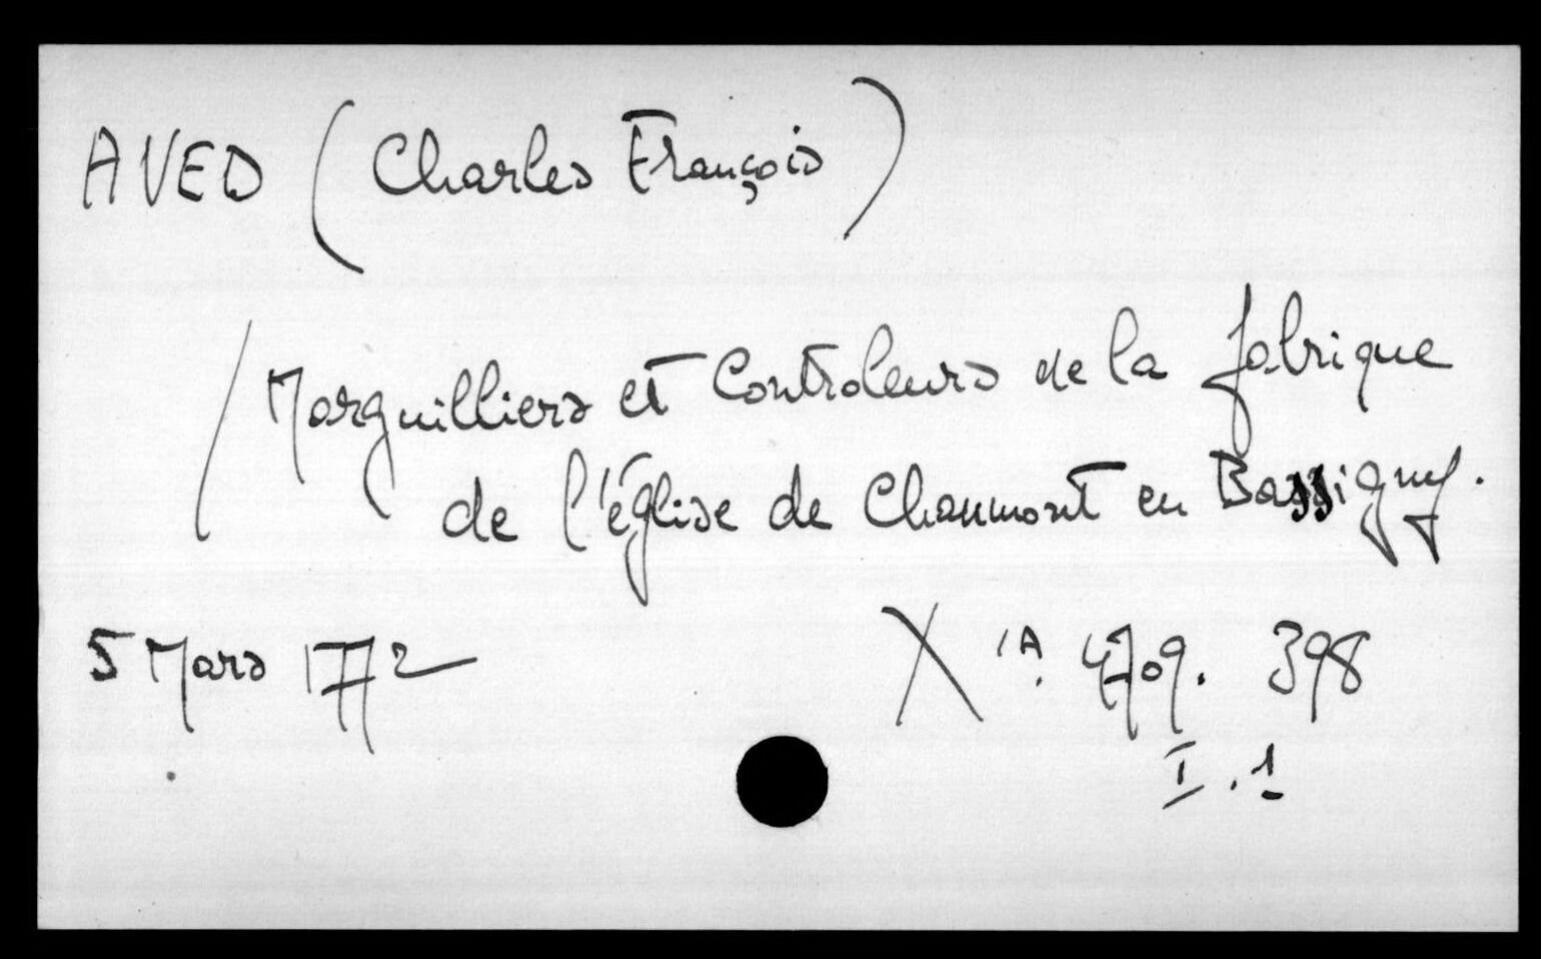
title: AVED (Charles François)
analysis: Contre Marguilliers et Controleurs de la fabrique de l'église de Chaumont en Bassigny
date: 5 mars 1772
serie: X1A
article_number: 4709
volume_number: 398 Instances, 1
